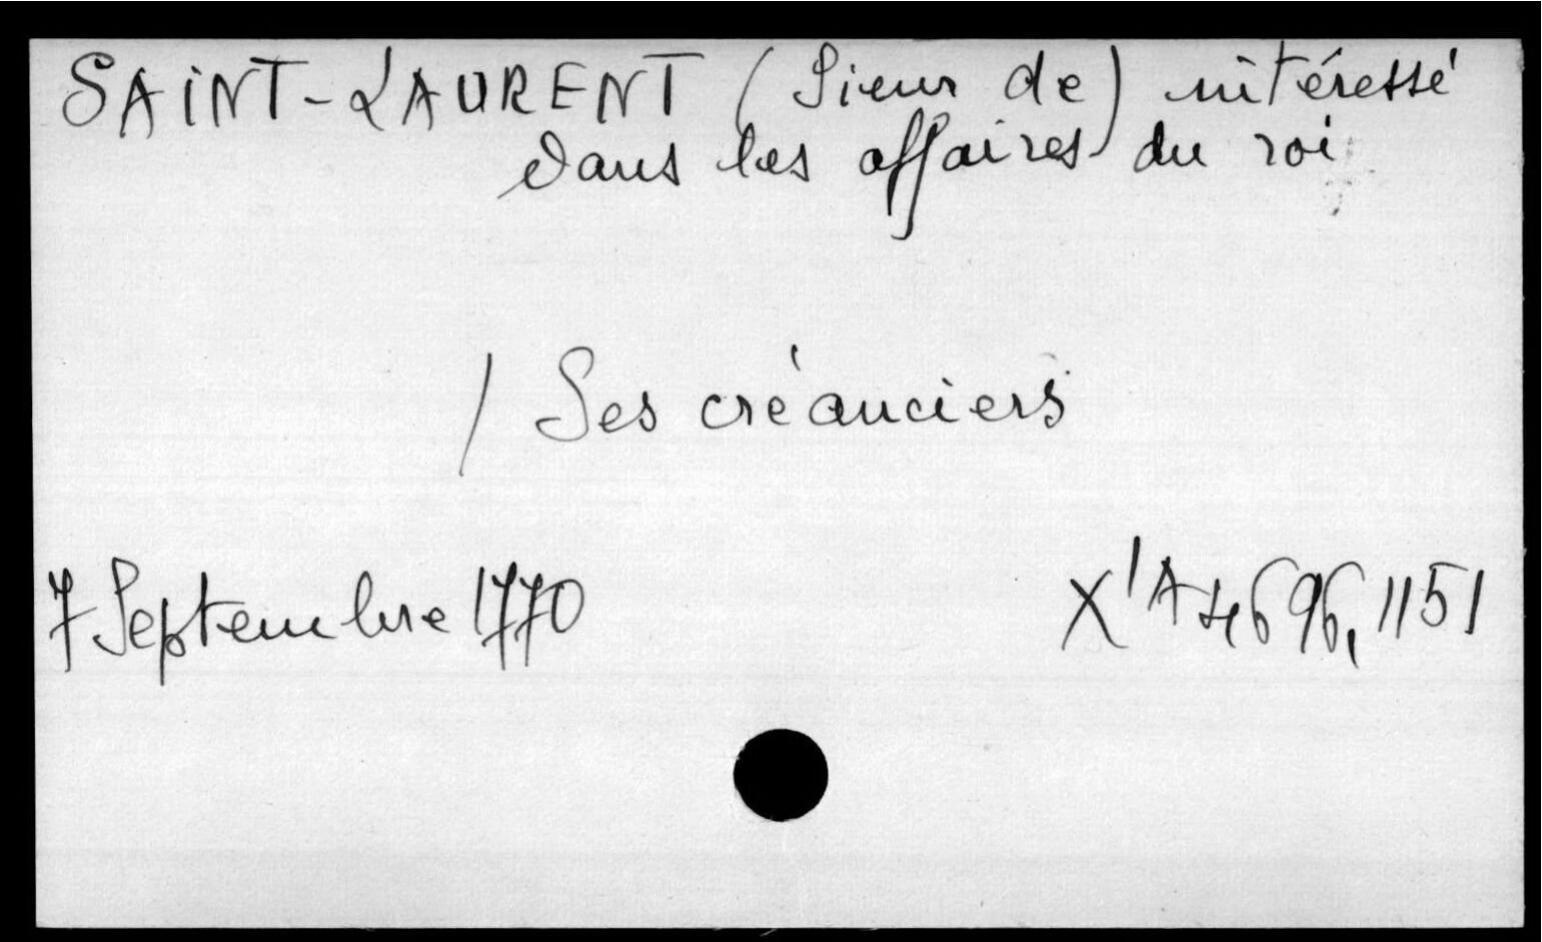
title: SAINT-LAURENT (Sieur de) intéressé dans les affaires du roi
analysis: Contre Ses créanciers
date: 7 septembre 1770
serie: X1A
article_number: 4696
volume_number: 1151
